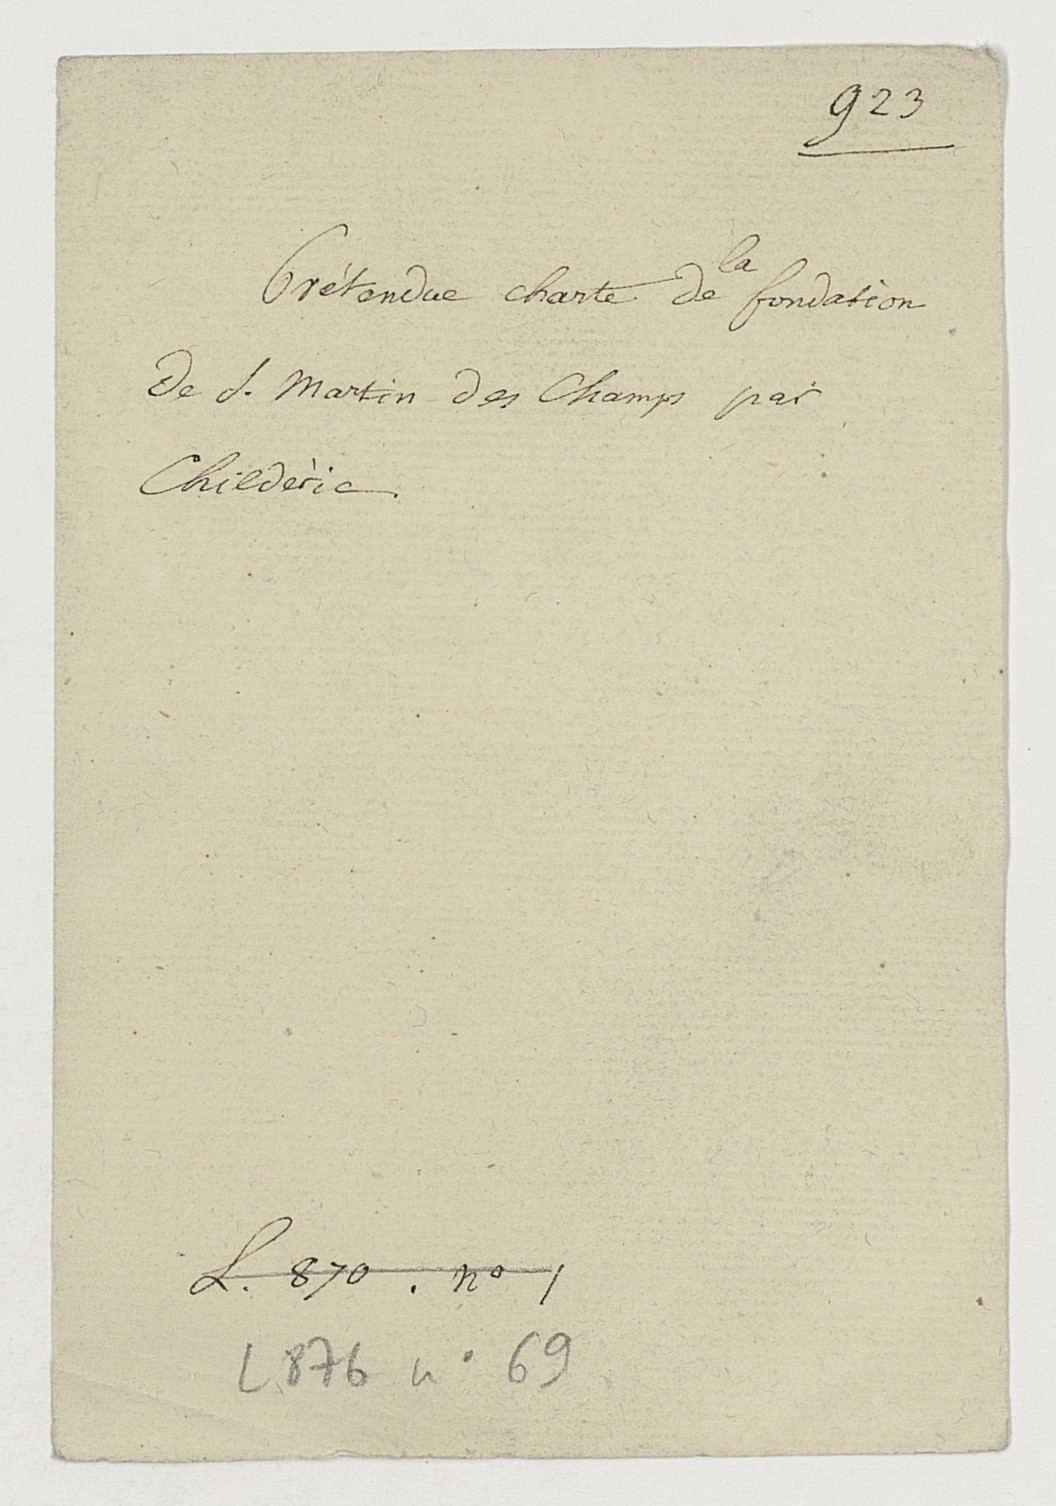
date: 923
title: Prétendue charte de la fondation de Saint-Martin des Champs par Childéric
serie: L
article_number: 876
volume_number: n° 69
